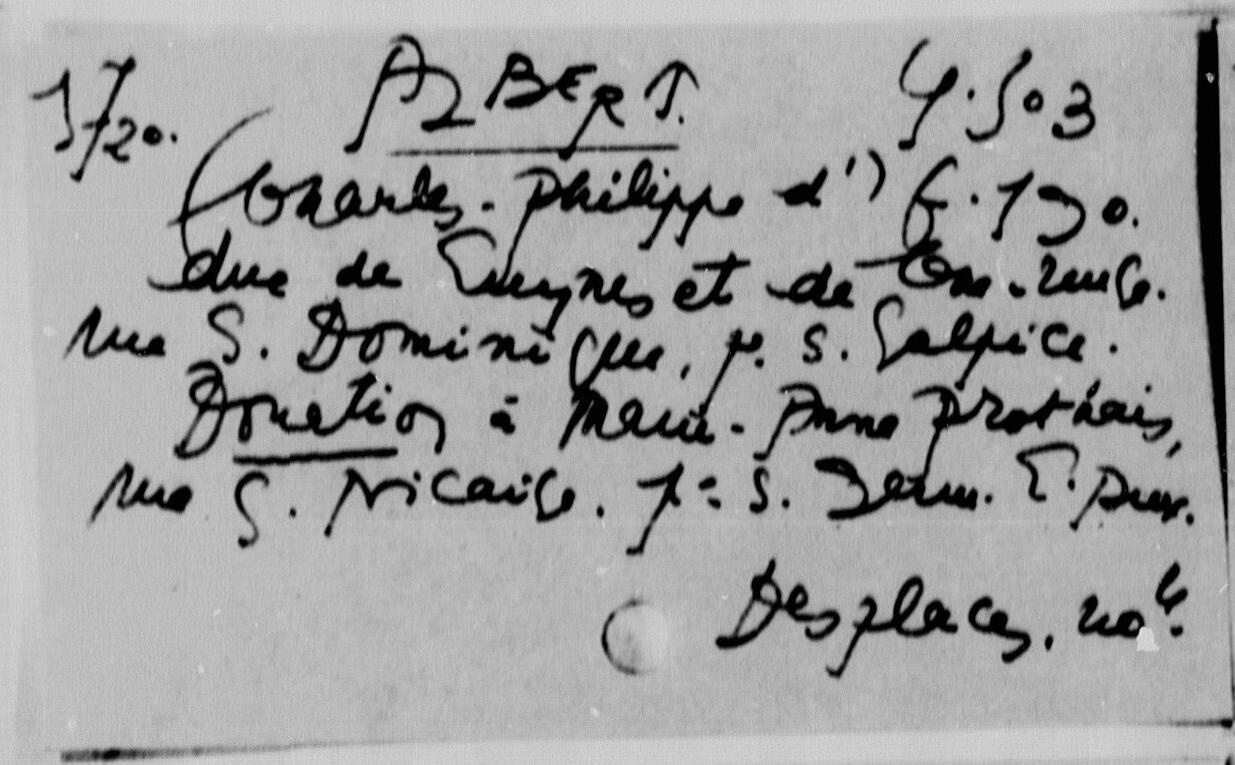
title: ALBERT (Charles-Philippe d')
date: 1720
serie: Y
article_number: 303
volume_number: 190
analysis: Duc de Luynes et de Chevreuse. Rue Saint-Dominique, paroisse Saint-Sulpice. Donation à Marie-Anne Prothais, rue Saint-Nicaise, paroisse Saint-Germain-l'Auxerrois. Desplaces, notaire.
